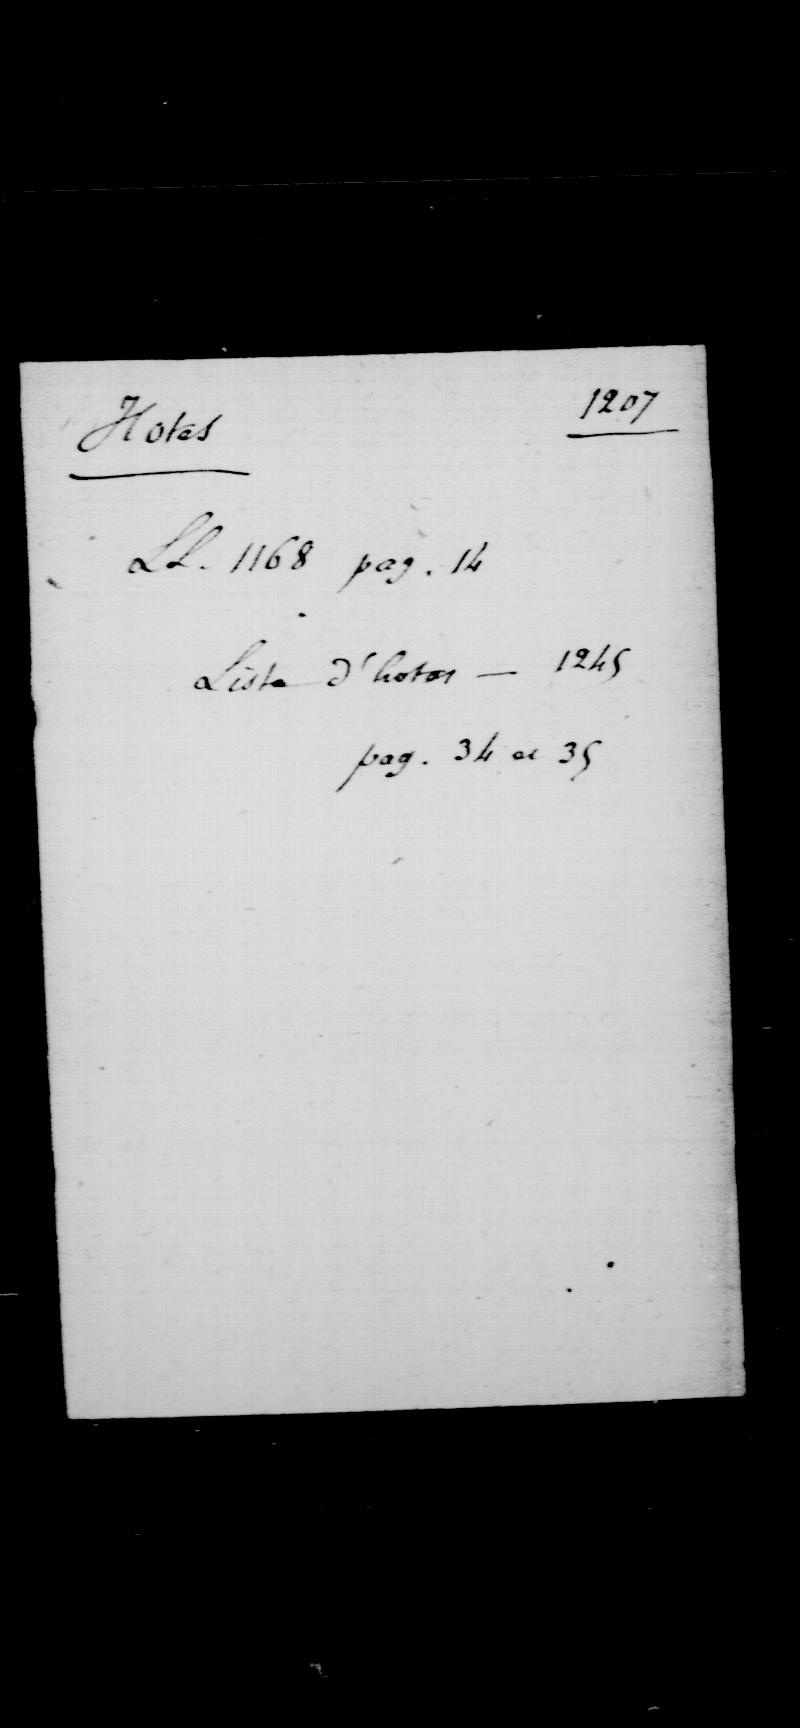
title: Hotes
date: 1207
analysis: Liste d’hôtes – 1245 pag. 34 et 35
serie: LL
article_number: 1168
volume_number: pag. 14
